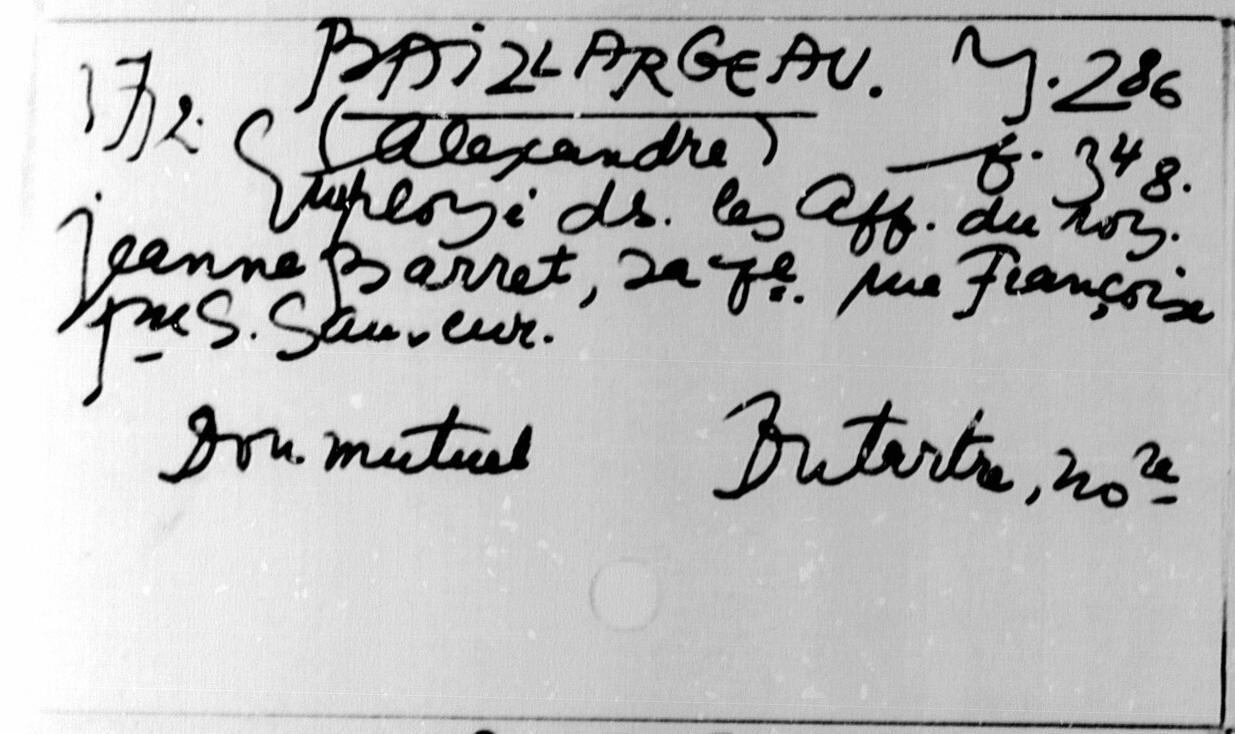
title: BAILLARGEAU (Alexandre)
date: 1712
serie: Y
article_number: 286
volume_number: folio 348
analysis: Employé dans les affaires du roy Jeanne Barret, sa femme, rue Françoise, paroisse Saint Sauveur Don mutuel Dutartre, notaire
